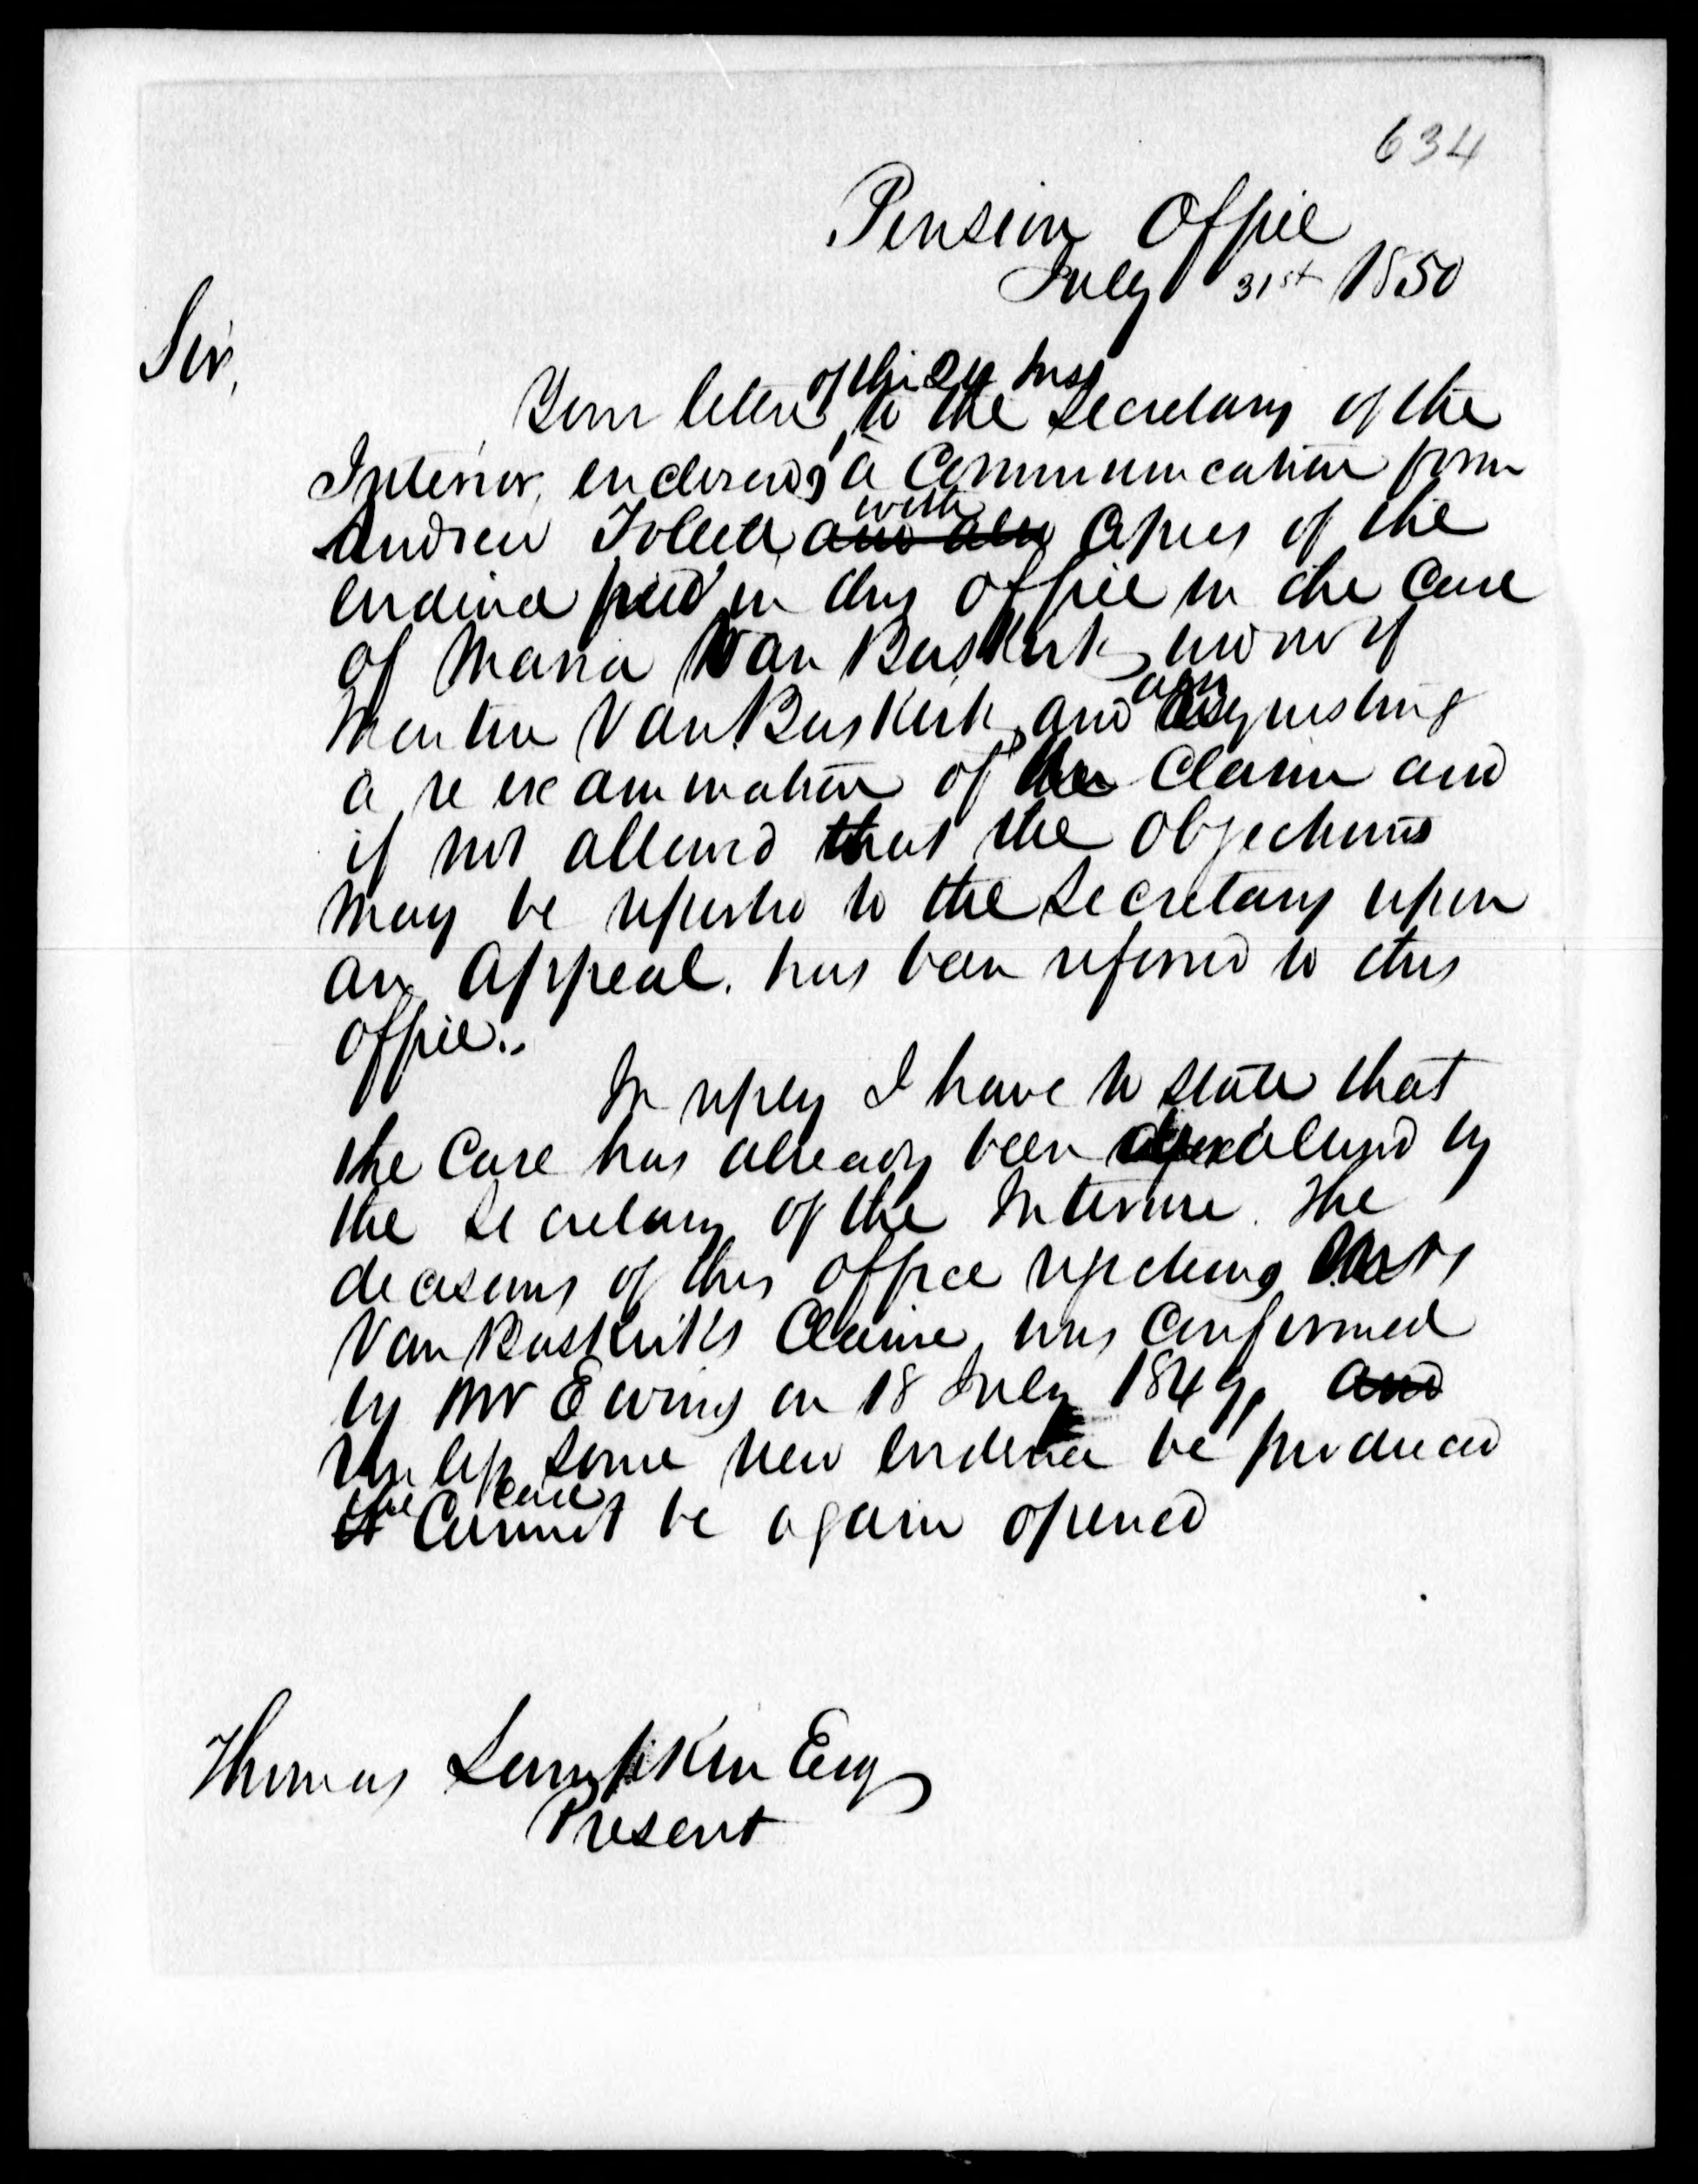Sir,
Your letter of the 24 Mar to the Secretary
of the Interior, enclosing a communication from Andrew Follett and also [and also is crossed out] with copies of the evidence paid in this office in the case of Maria Van Buskirk and requesting a reexamination of the claim and if not allowed that the objections may be refered to the Secretary upon an appeal has been refered to this office.

In reply I have to state that the case has already been [illegible] by the Secretary of the Interior.  The decisions of this office regarding Van Buskirks claim was confirmed by Mr Ewing on 18 July 1841, and [and is crossed out] and unless some new evidence be produced it [it is crossed out] the case cannot be again opened
Thomas Lumpkin Esq [signature]
Present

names: Martin Van Buskirk, Thomas Lumpkin, Maria Van Buskirk, Andrew Follett, Van Buskirk, Ewing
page: 41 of 70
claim: rejected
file: R. 10,832, Martin Van Buskirk, New York.